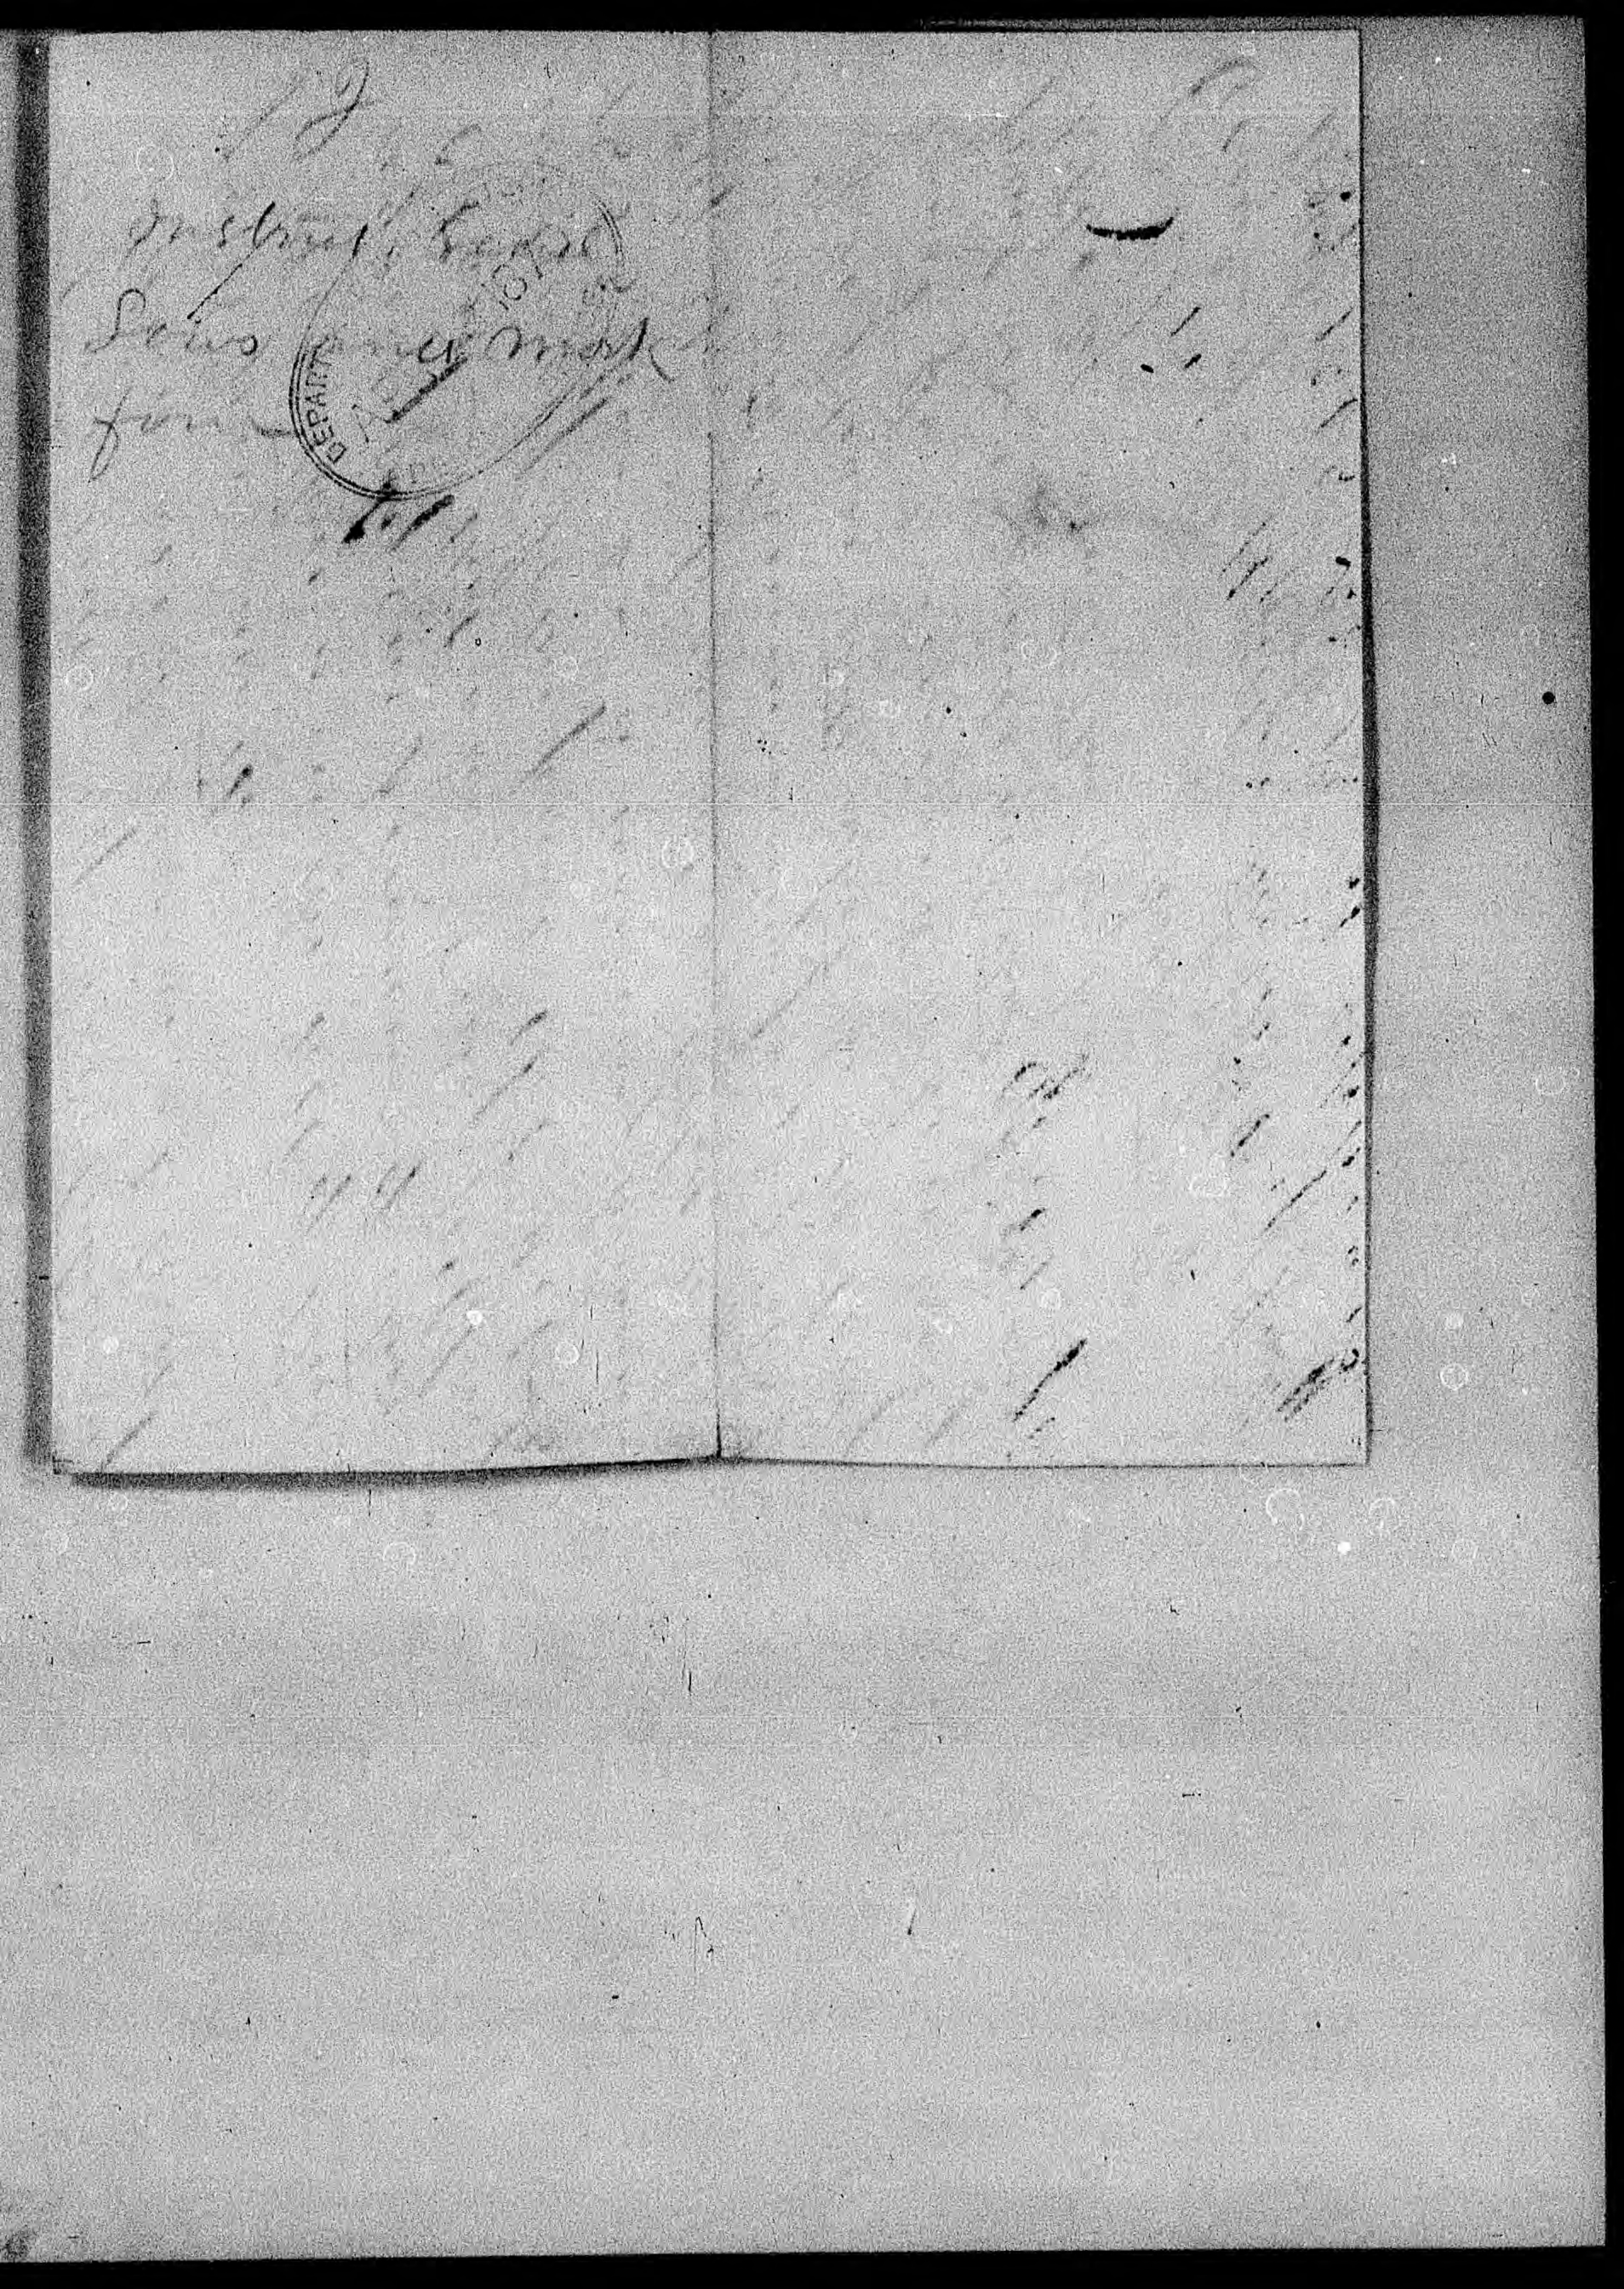[98% of the page the text is so light it is not possible to transcribe.]
12
any mark
[stamp]
DEPART[illegible]
AP
1872
[illegible]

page: 81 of 115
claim: widow's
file: W. 1446, for John Mc Clung, South Carolina